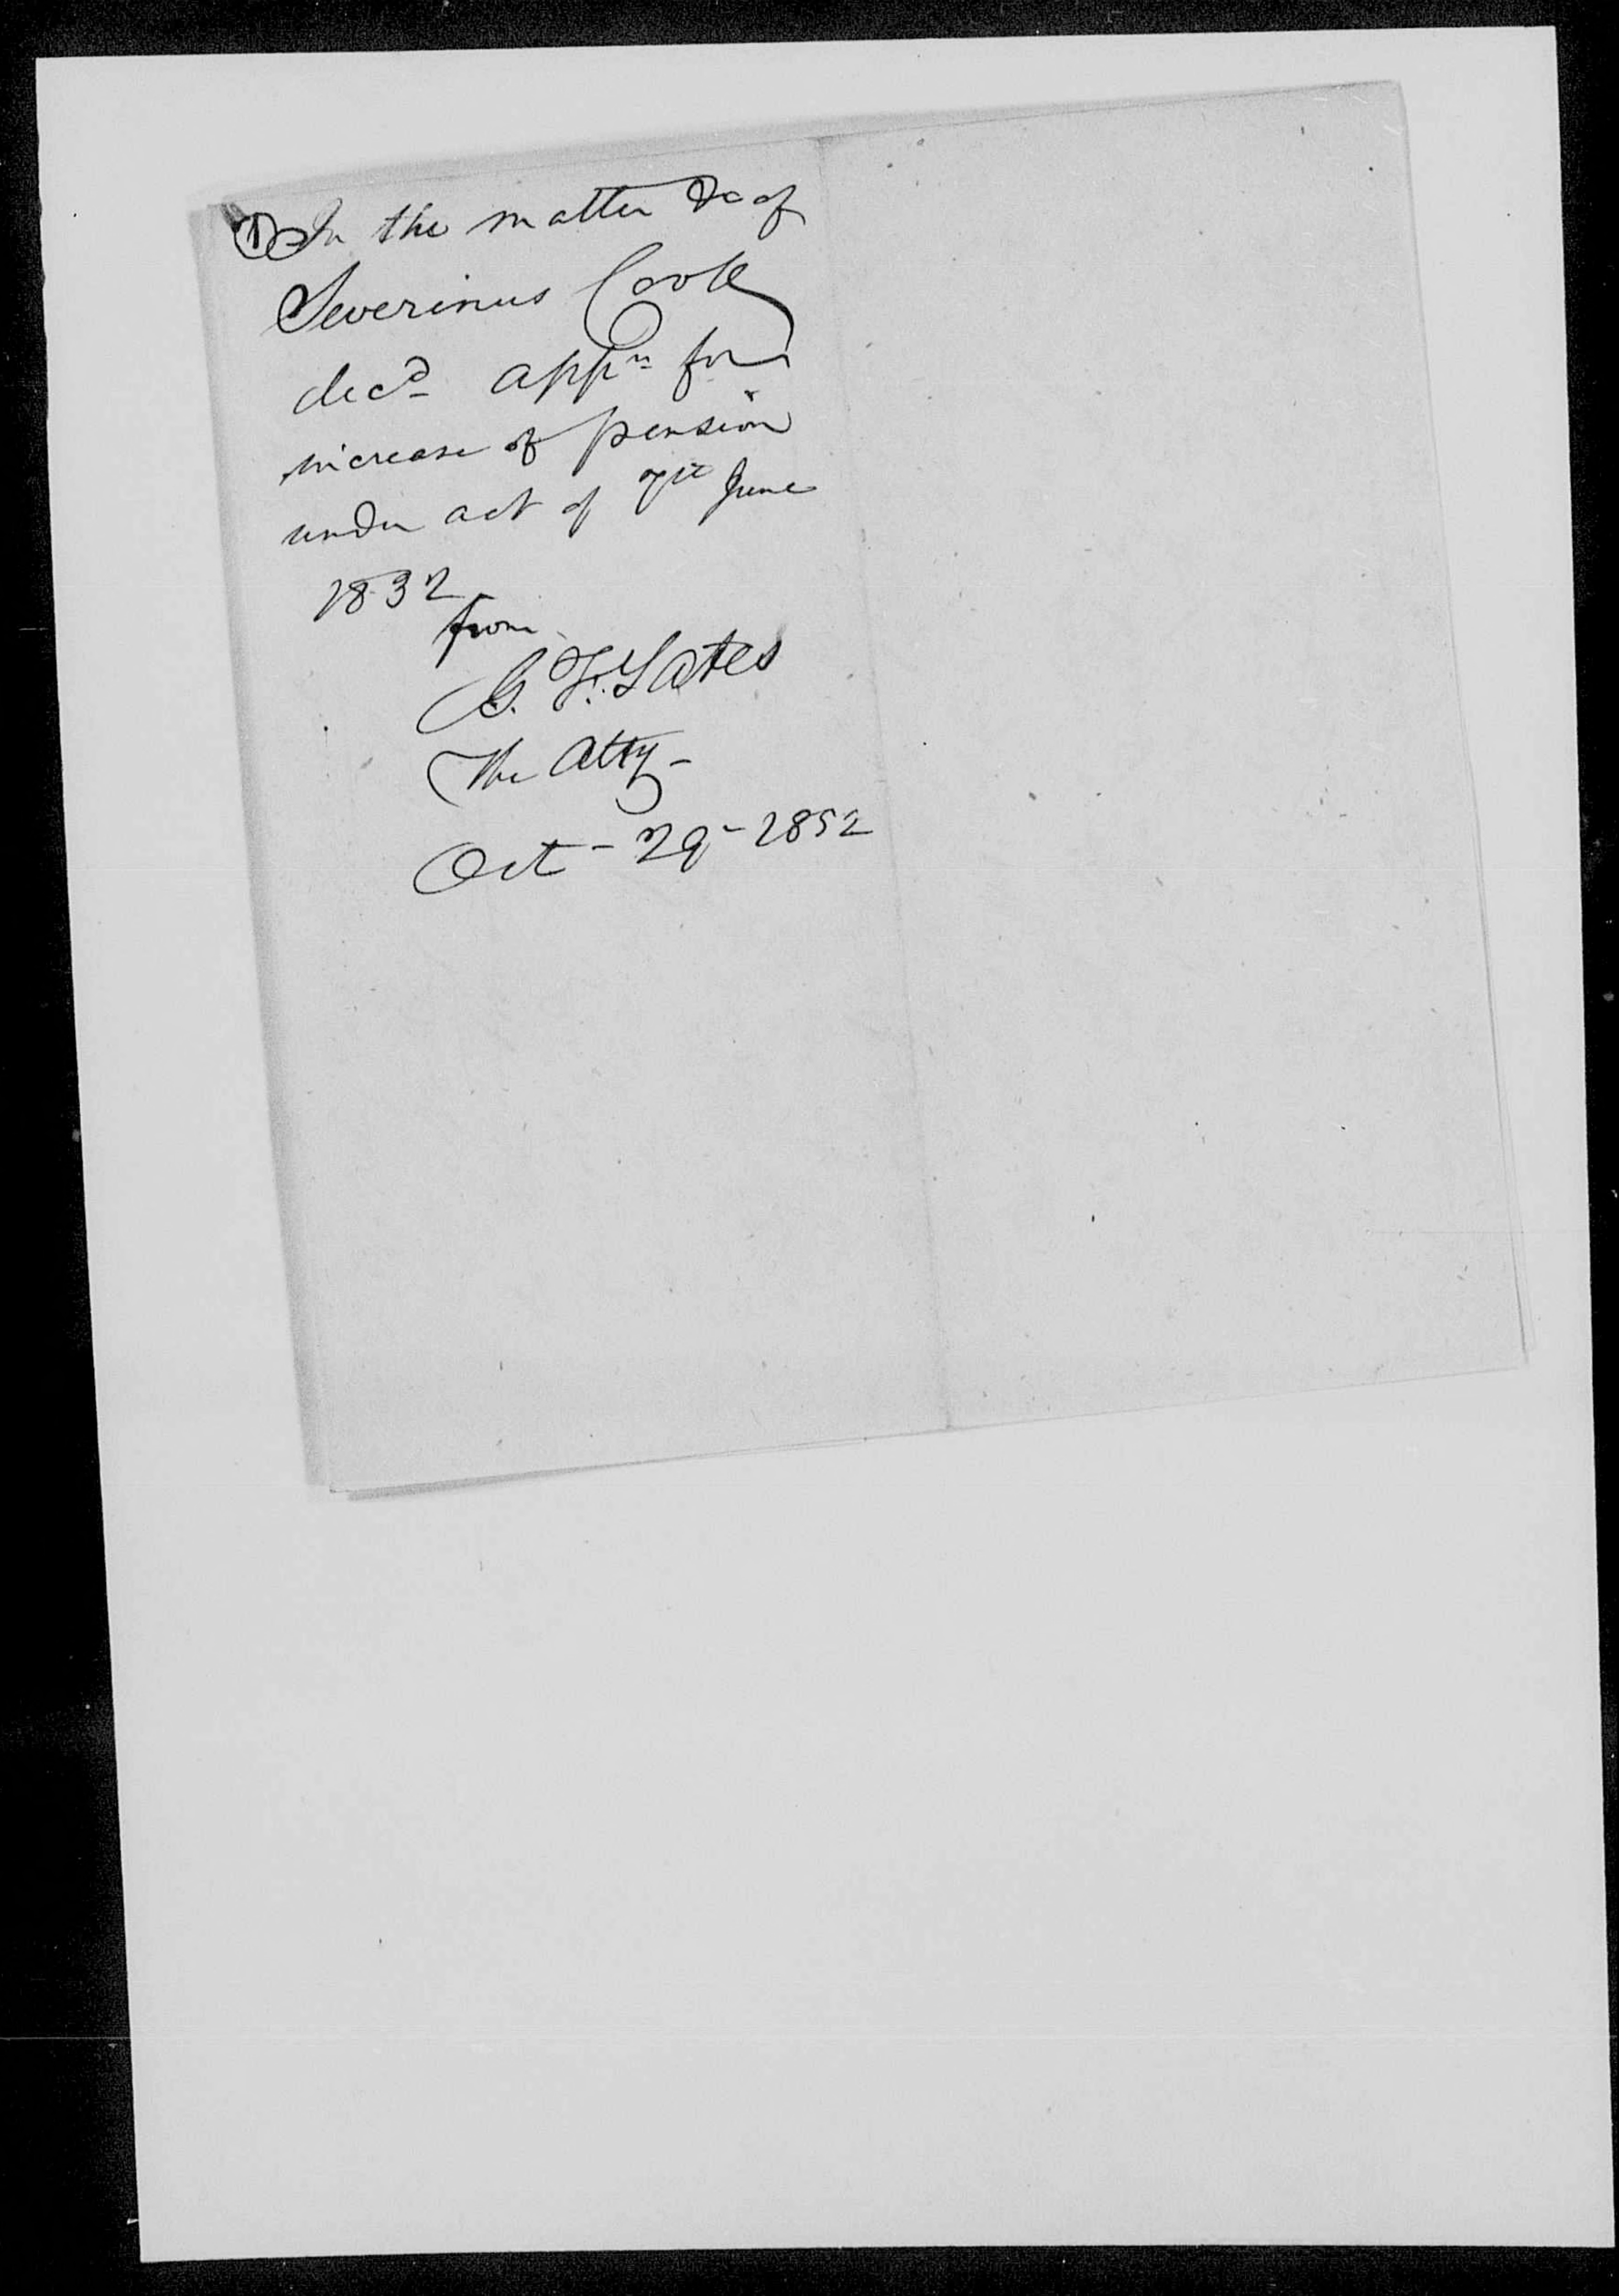In the matter &c of Severinus Cook decd appr for increase of pension under act of 7th June 1832

From
G. F. Yates
The Atty
Oct 29 1852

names: G F Yates, Severinus Cook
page: 29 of 51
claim: survivor's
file: S. 12563, Severinus Cook, New York